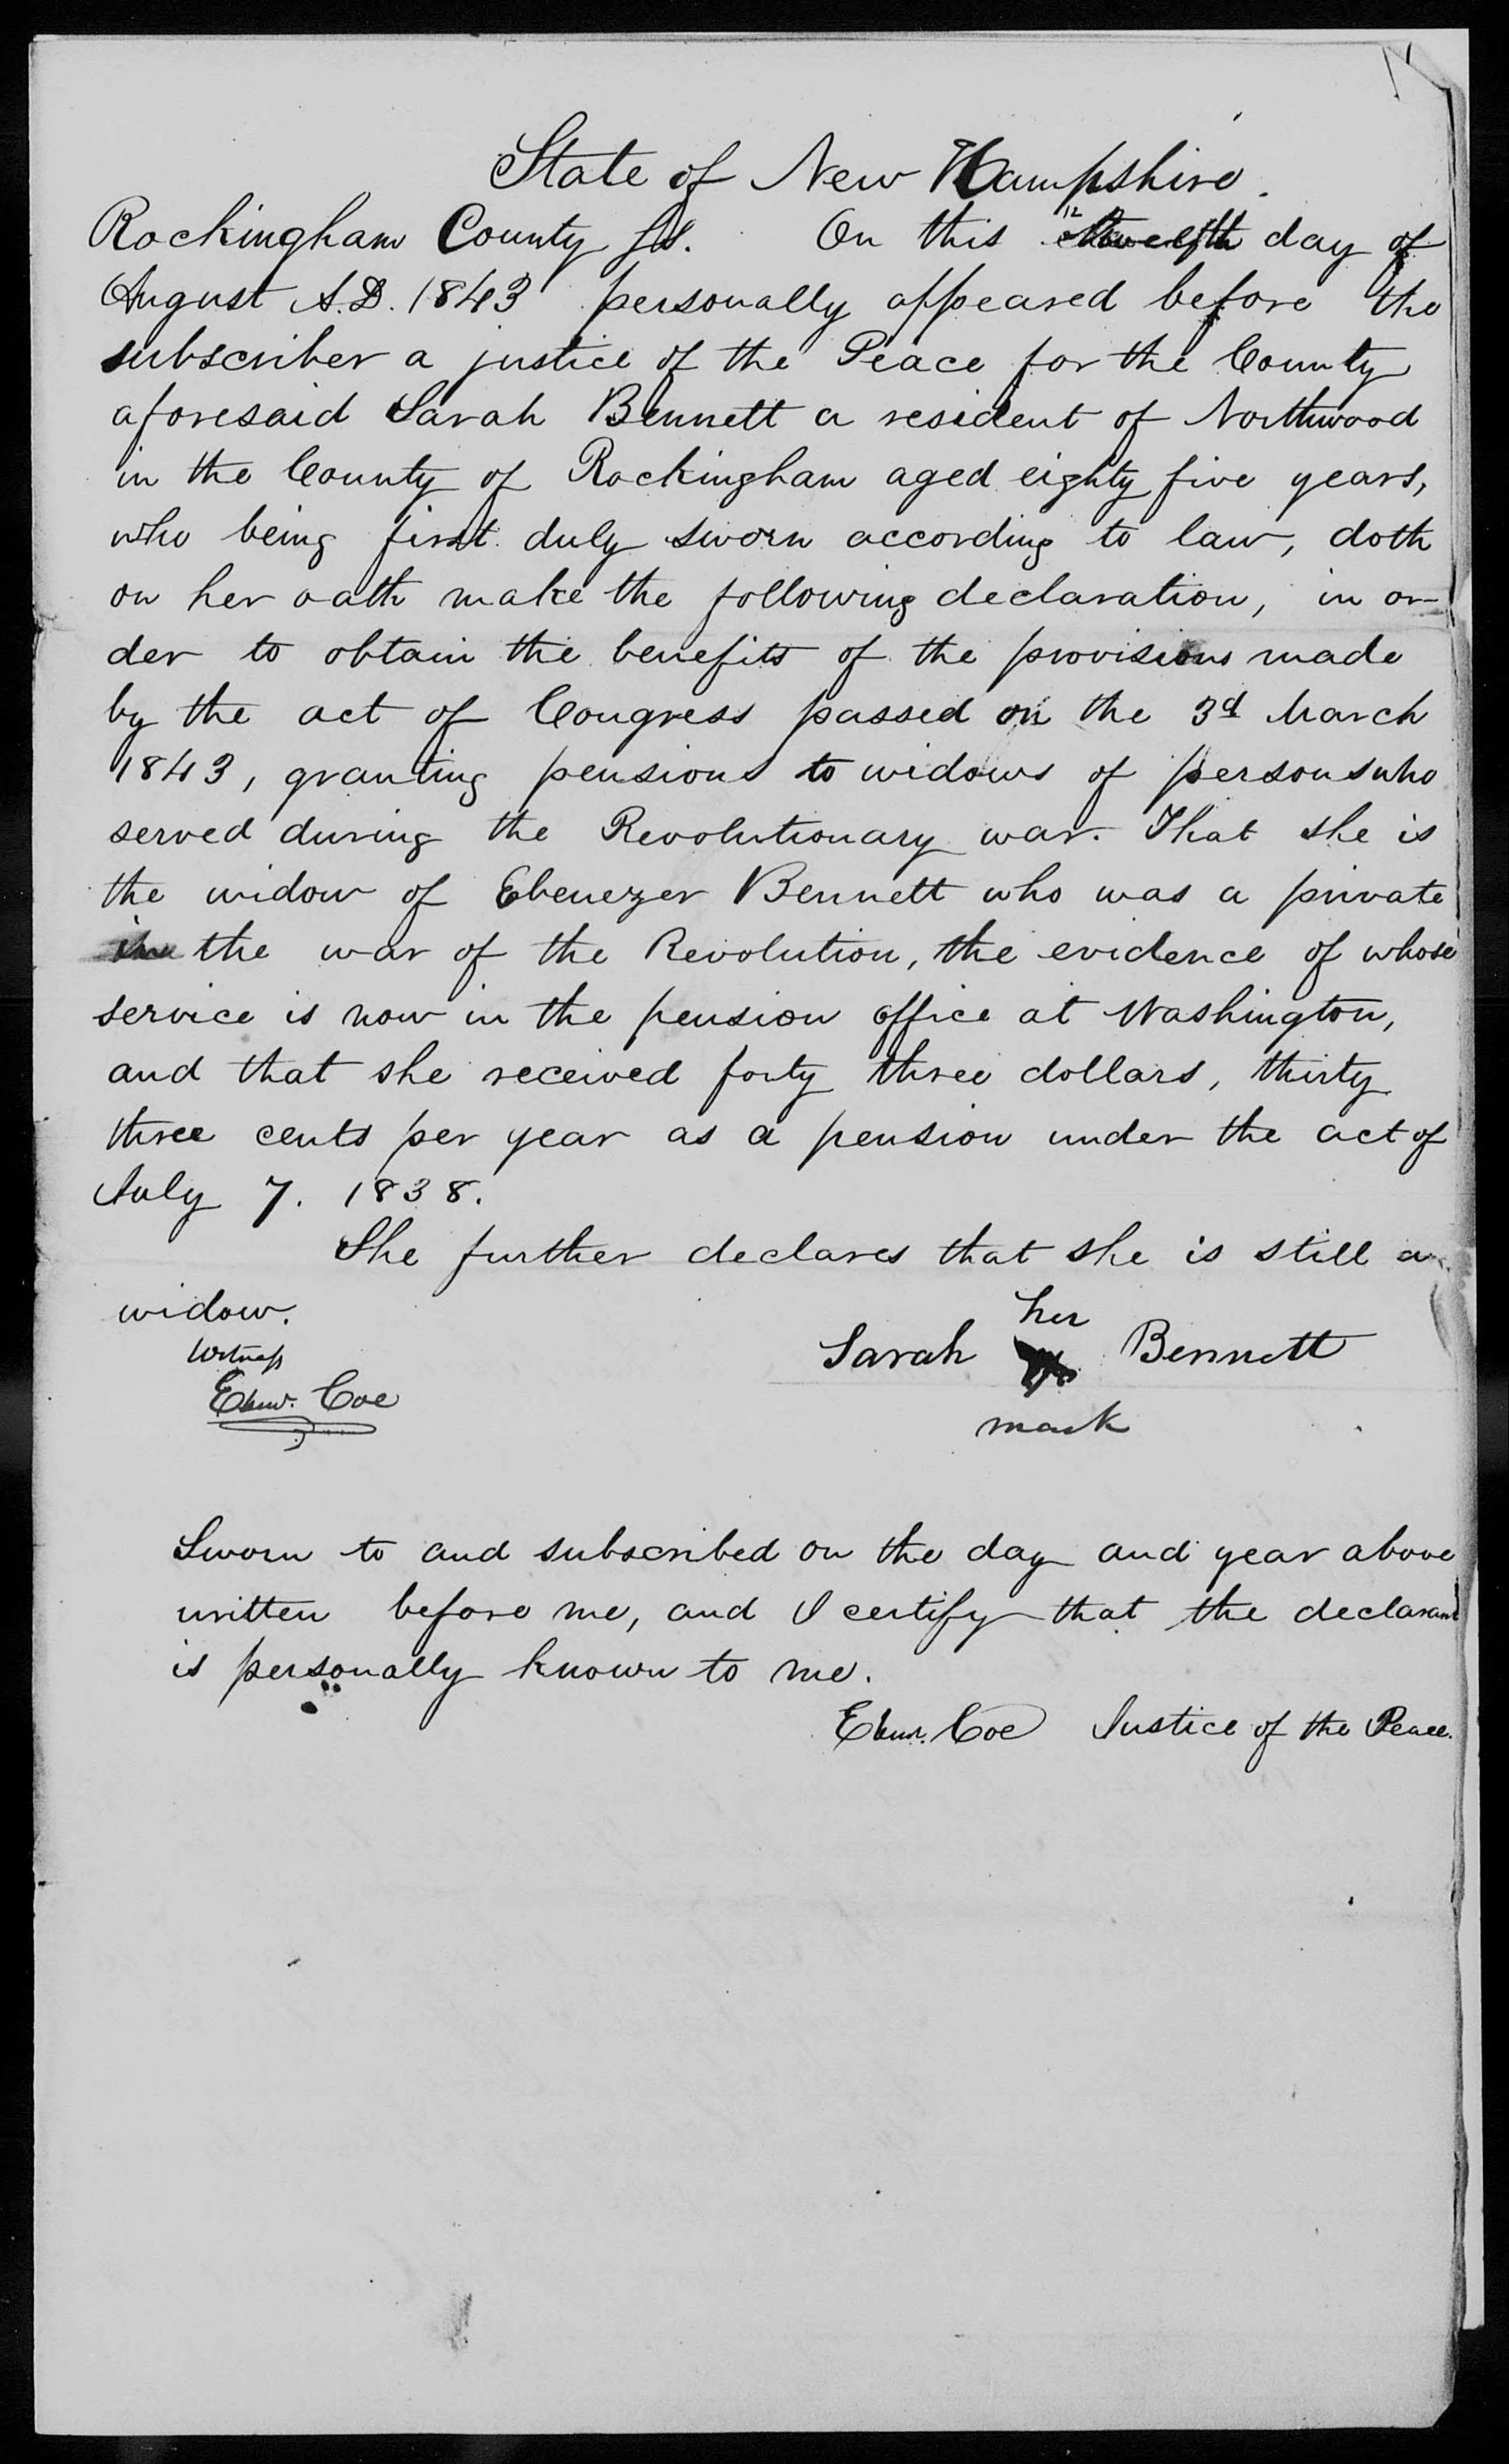State of New Hampshire.
Rockingham County ss.
On this twelfth day of August A.D. 1843 personally appeared before the subscriber a justice of the Peace for the County aforesaid Sarah Bennett a resident of Northwood in the County of Rockingham aged eighty five years,
who being first duly sworn according to law, doth
on her oath make the following declaration, in order to obtain the benefits of the provisions made by the act of Congress passed on the 3d March 1843, granting pensions to widows of persons who served during the Revolutionary war. That she is the widow of Ebenezer Bennett who was a private in the war of the Revolution, the evidence of whose service is now in the pension office at Washington, and that she received forty three dollars, thirty three cents per year as a pension under the act of July 7. 1838.
She further declares that she is still a widow.
Sarah Bennett
her X mark
Witness
Ebenr. Coe

Sworn to and subscribed on the day and year above written before me, and I certify that the declarant is personally known to me.
Ebenr. Coe
Justice of the Peace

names: Ebenr Coe, Sarah Bennett, Ebenr Coe, Sarah Bennett, Ebenezer Bennett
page: 30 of 43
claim: widow's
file: W. 21665, Ebenezer Bennett, N. H. Privateer.